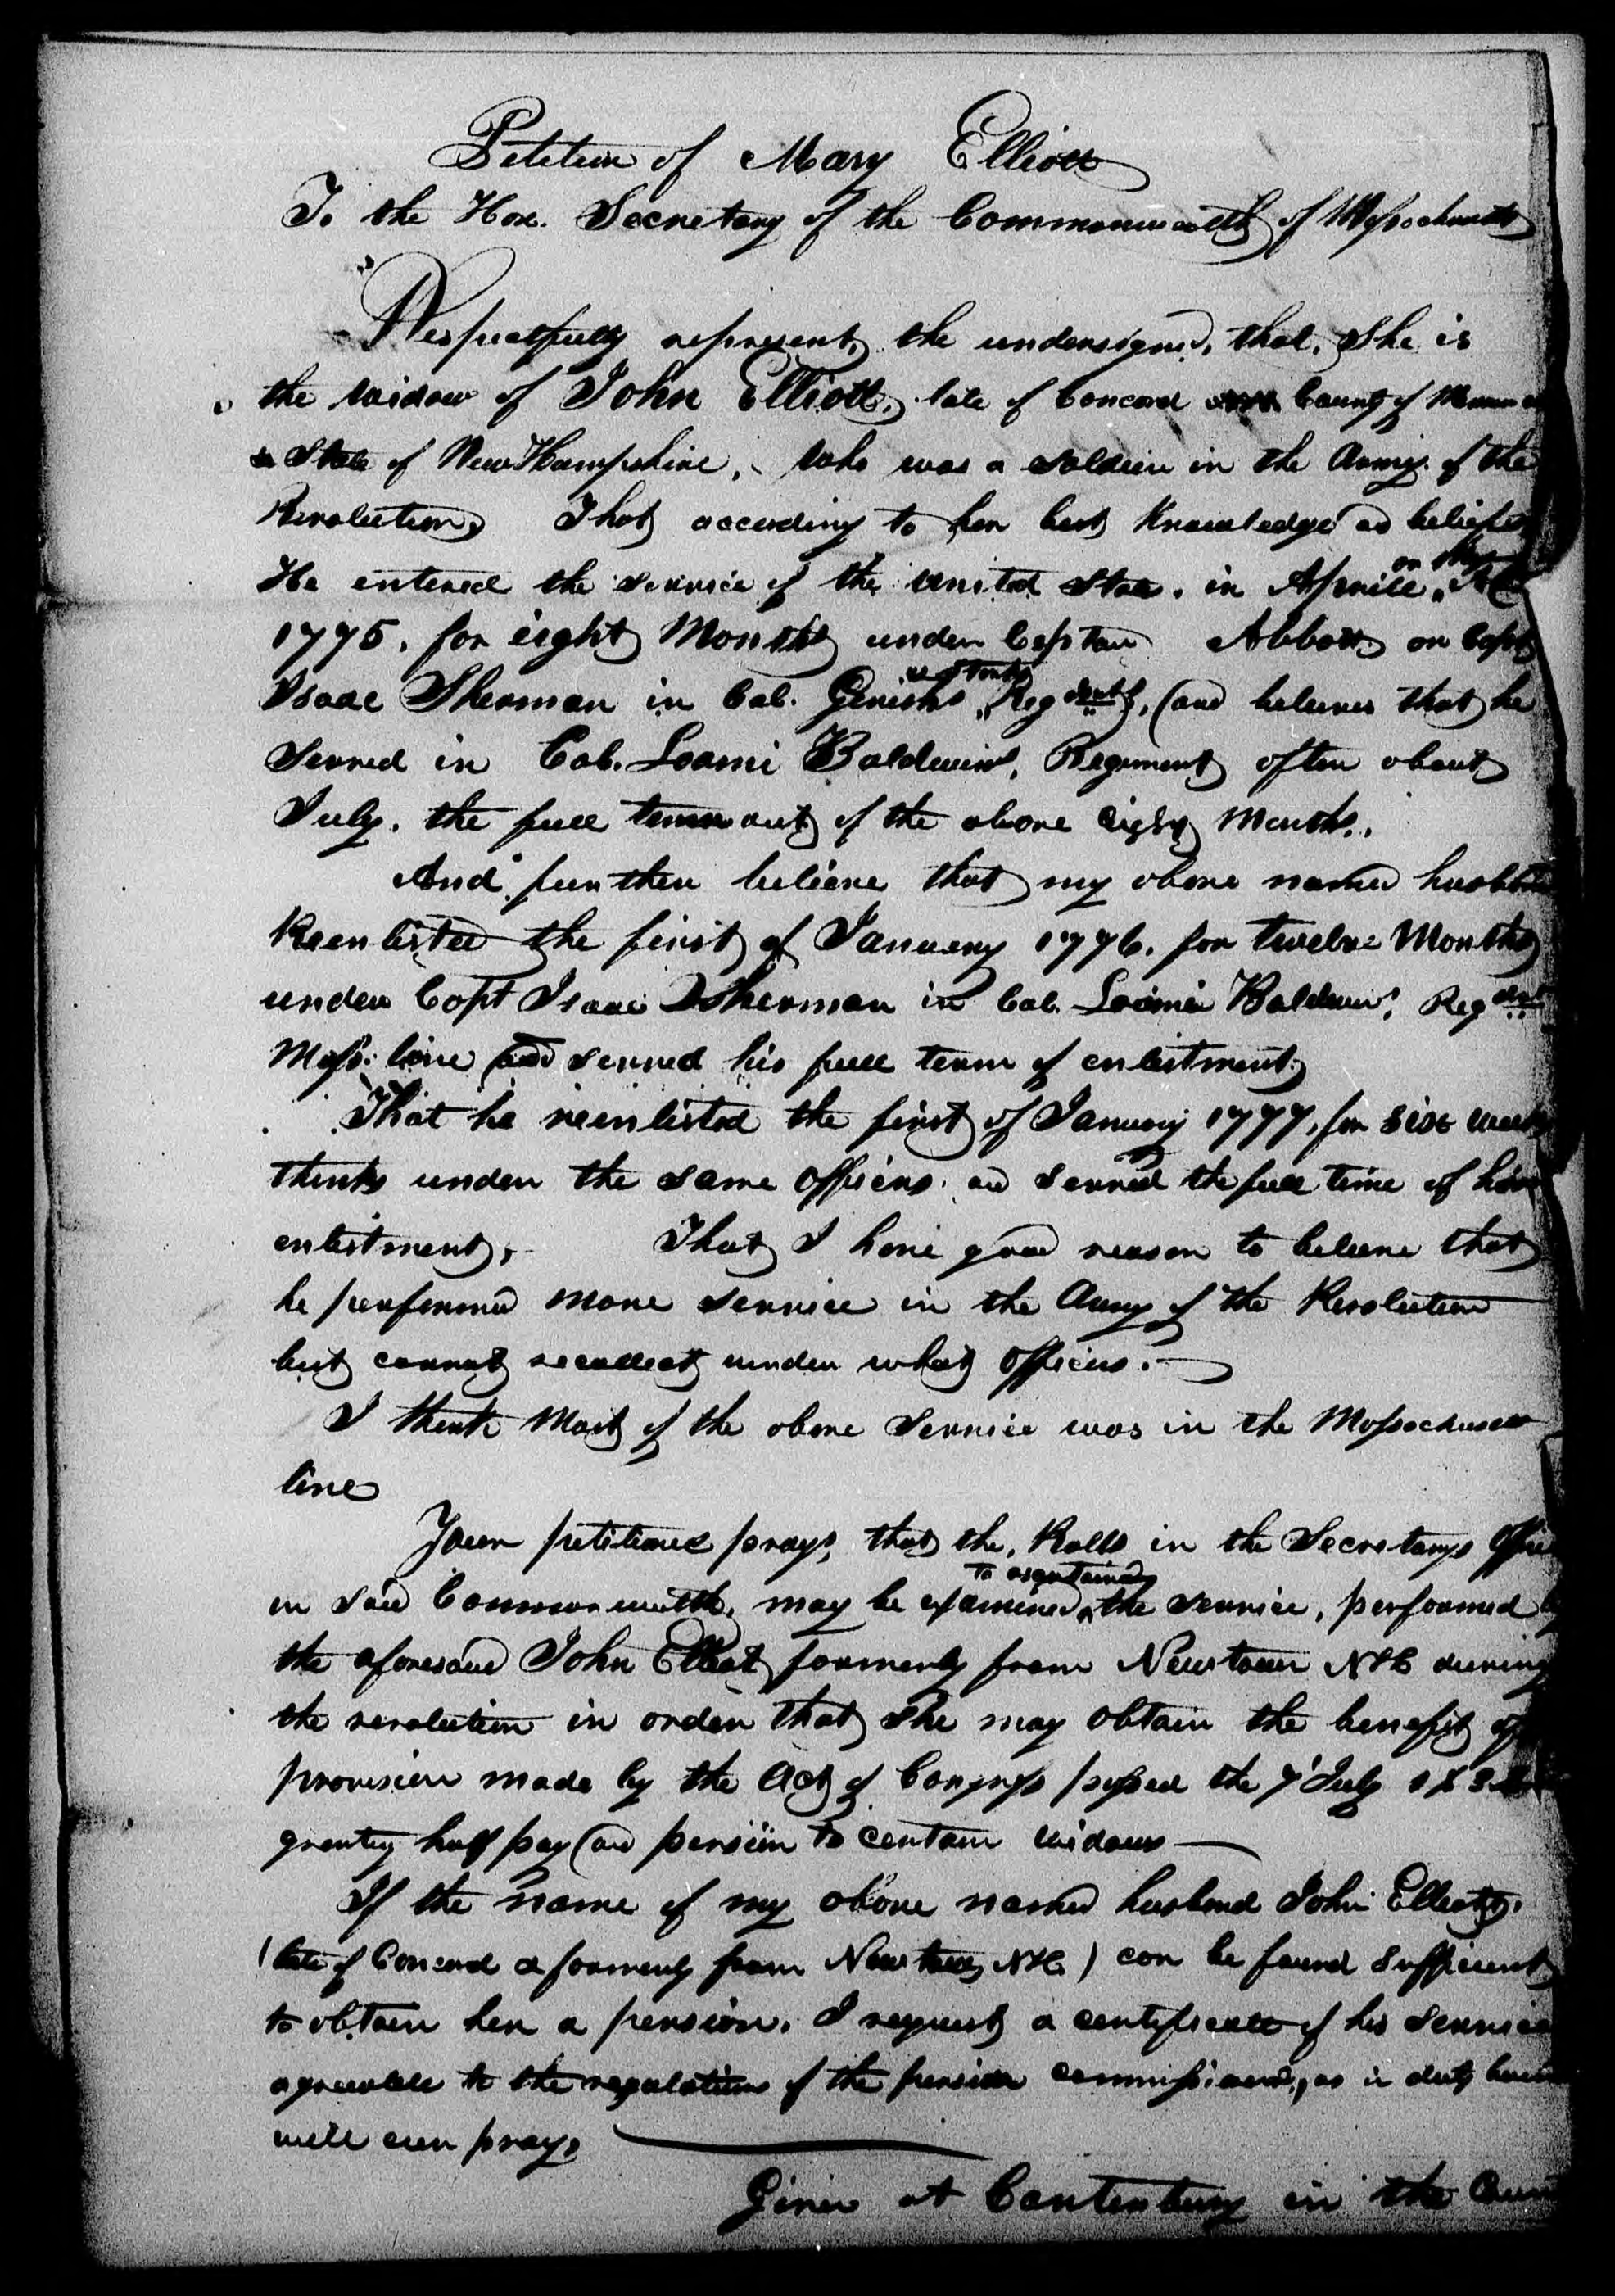Petition of Mary Elliott
To the Hon. Secretary of the Commonwealth of Massachusetts
Respectfully represent the undersigned, that she is
the widow of John Elliott, late of Concord County of Merrimack
State of New Hampshire, who was a soldier in the Army of the ┃
Revolution That according to her best knowledge and belief
He entered the service of the United States in April A D 1775 for eight months under Captain Abbott on Capt
Isaac Sherman in Col. Genish Reg, and believes that he
served in Col. Loammi Baldwin Regiment often about
July the full time out of the above eight months
And further believe that my above named husband 
Rentered the first of January 1776 for twelve months
under Capt Isaac Sherman in Colonel Loammi Baldwin, Regi
Mass Line and served his full term of enlistment

That he enlisted the first of January 1777, for six week
thinks under the same officers and served the full time of his
enlistment,
That I have good reason to believe that ┃
he performed more service in the Army of the Revolution
but cannot recollect under what officers.
I think most of the above service was in the Massachusetts line
Your petitioner prays that the Rolls in the Secretary
in said Commonwealth, may be examined to [illegible] the service performed
the aforesaid John Elliot formerly from Newtown NH during the
revolution in order that she may obtain the benefit of
provision made by the act of Congress passed the 7 July 1838
granting half pay and pension to contain widows-
In the name of my above named husband John Elliott
State of Concord a formerly from New the No) can be found sufficient
to obtain her a pension. I request a certificate of his service
agreeable to the regulations of the pension commission, as in duty
will ever pray
Given at Cantentbury in the court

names: Isaac Sherman, Abbott, John Elliott, Isaac Sherman, John Elliot, Mary Elliott, John Elliott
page: 55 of 57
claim: widow's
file: W. 16,114, John Elliot, Continental (Mass) N.H.